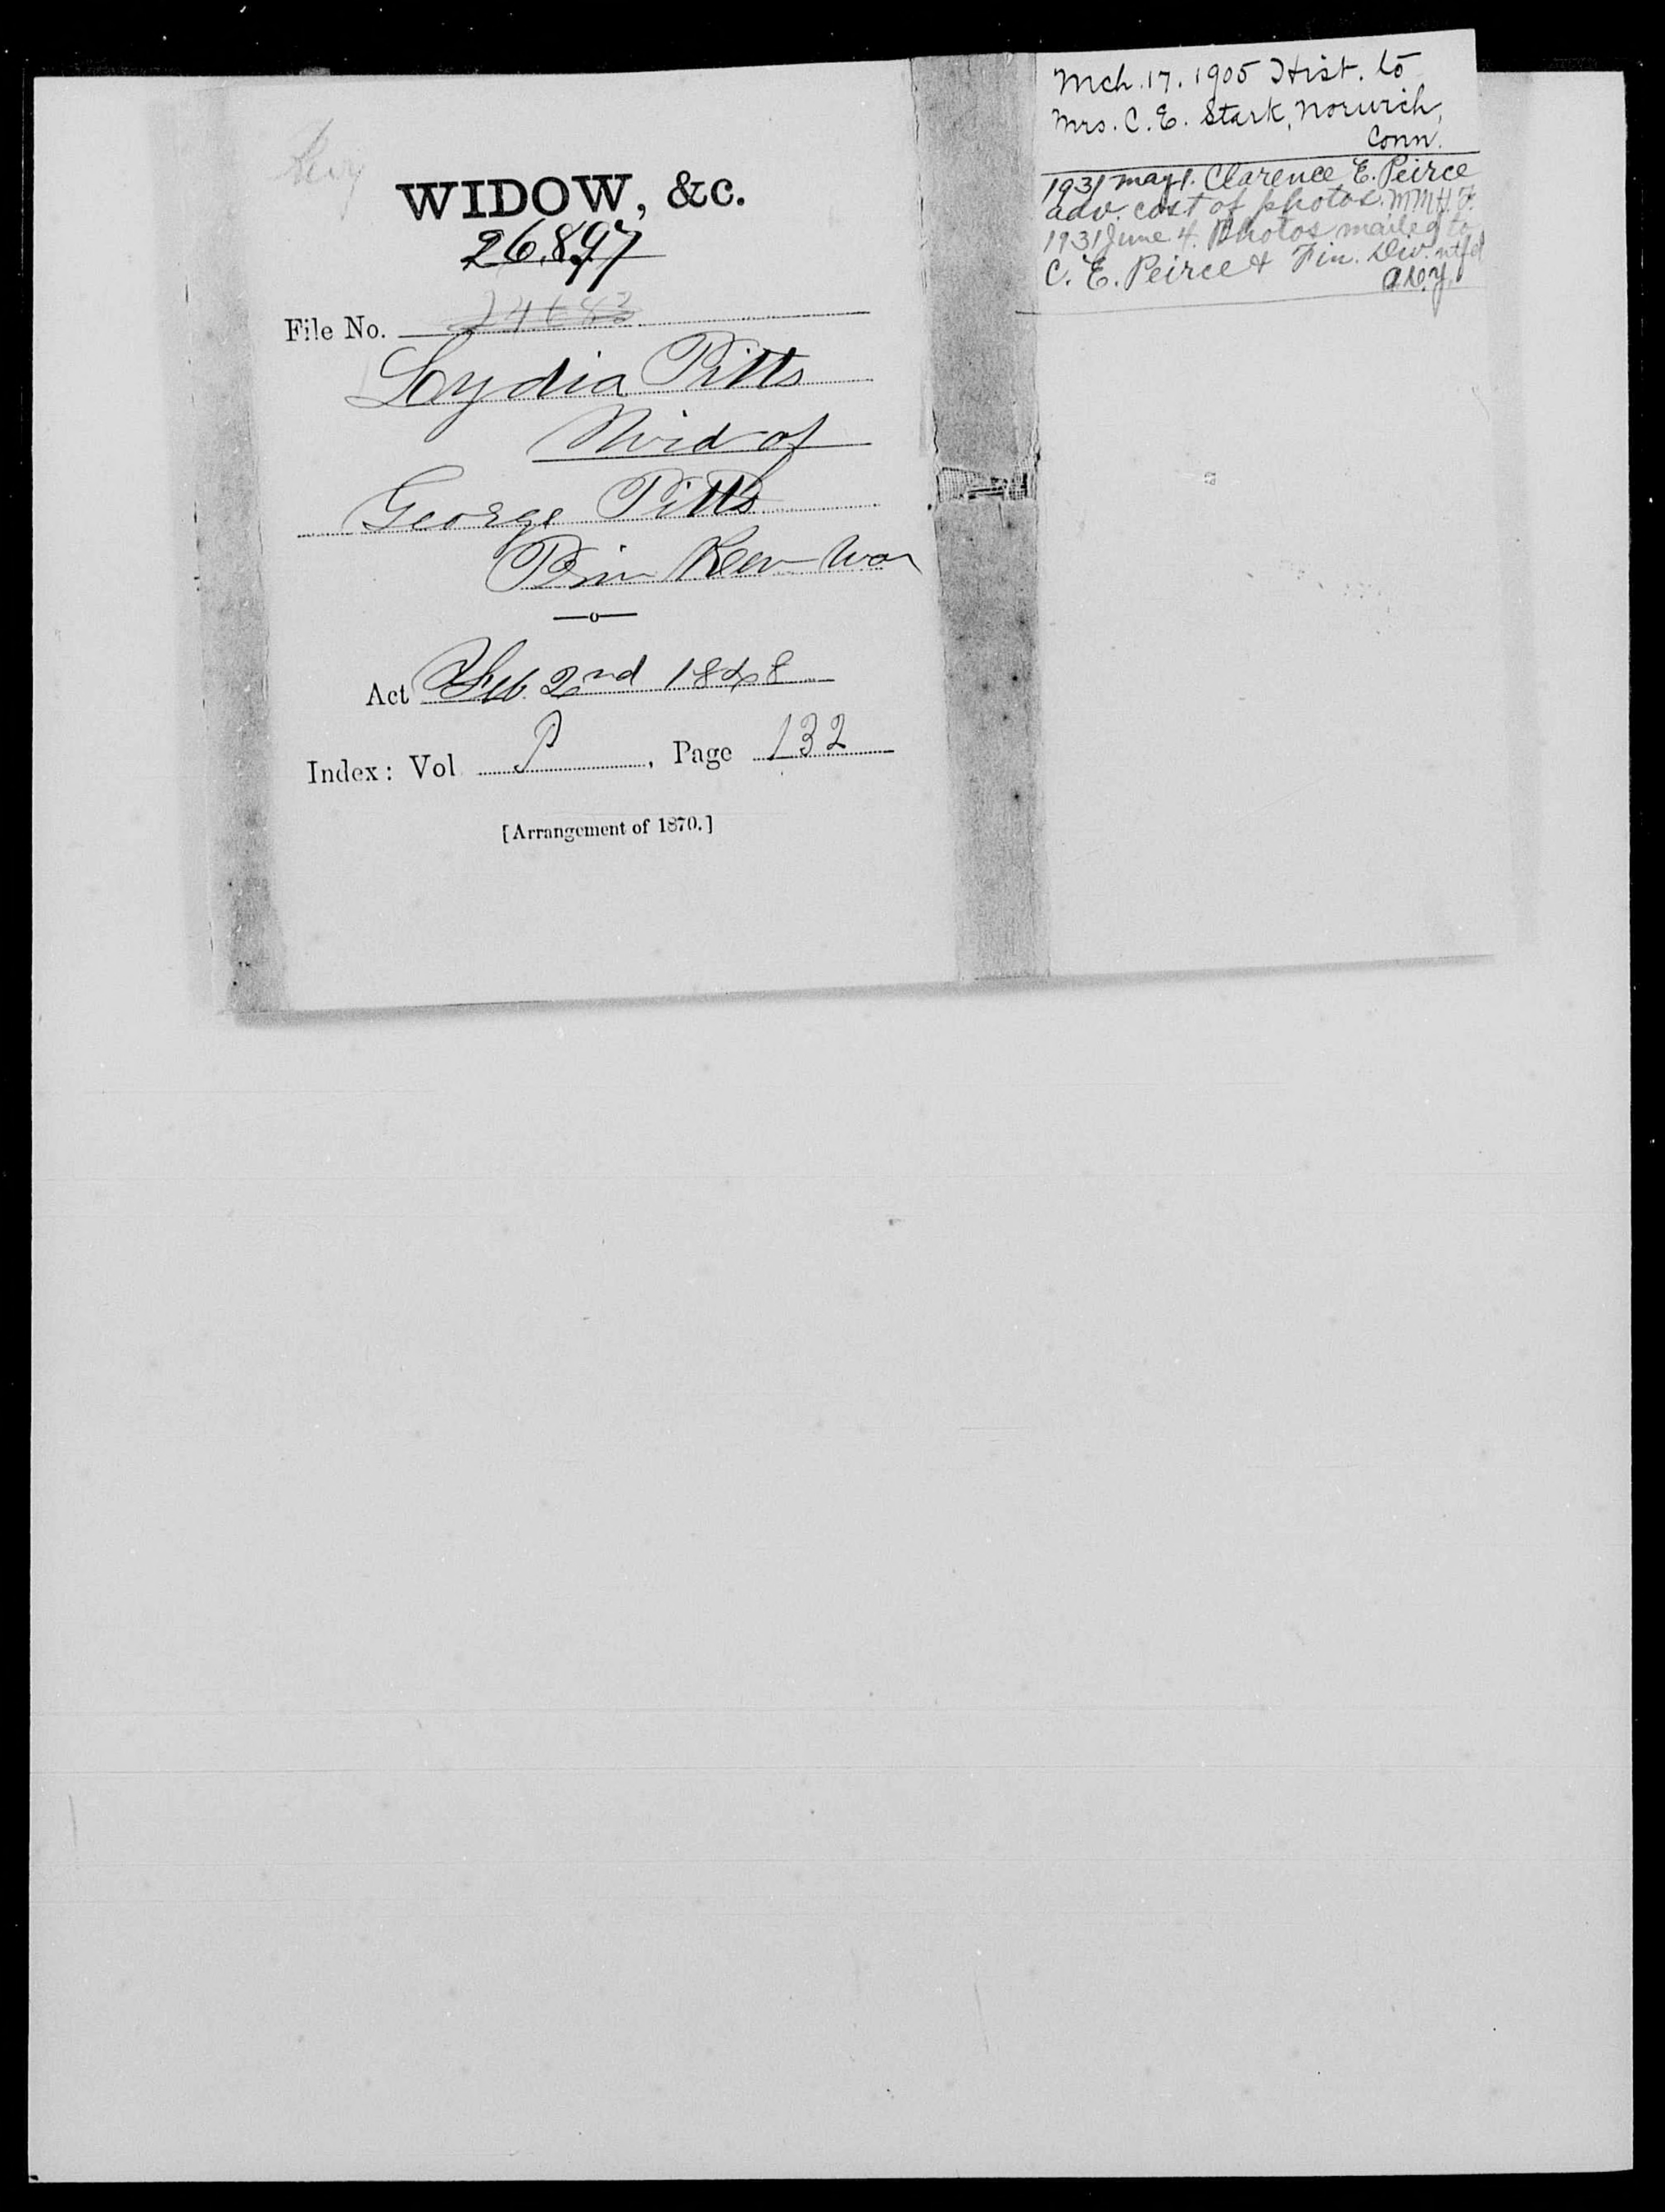[left side of page]
WIDOW, &c.
26897
File No. 24683
Lydia Pitts 
Wid. of 
George Pitts
Priv Rev War
Act Feb. 2nd 1828
Index: Vol P, Page 132
Arrangement of 1870.
[right side of page]
Mch. 17, 1905 Hist. to 
Mrs. C.E. Stark, Norwich, Conn
1931 May 1 Clarence E. Peirce
Adv. cost of photo
1931 June 4. Photos mailed to 
C.E. Peirce & [illegible]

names: Lydia Pitts; C E Stark; George Pitts; Clarence E Pierce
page: 39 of 54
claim: widow's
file: W. 26,897, for George Pitts, Massachusetts